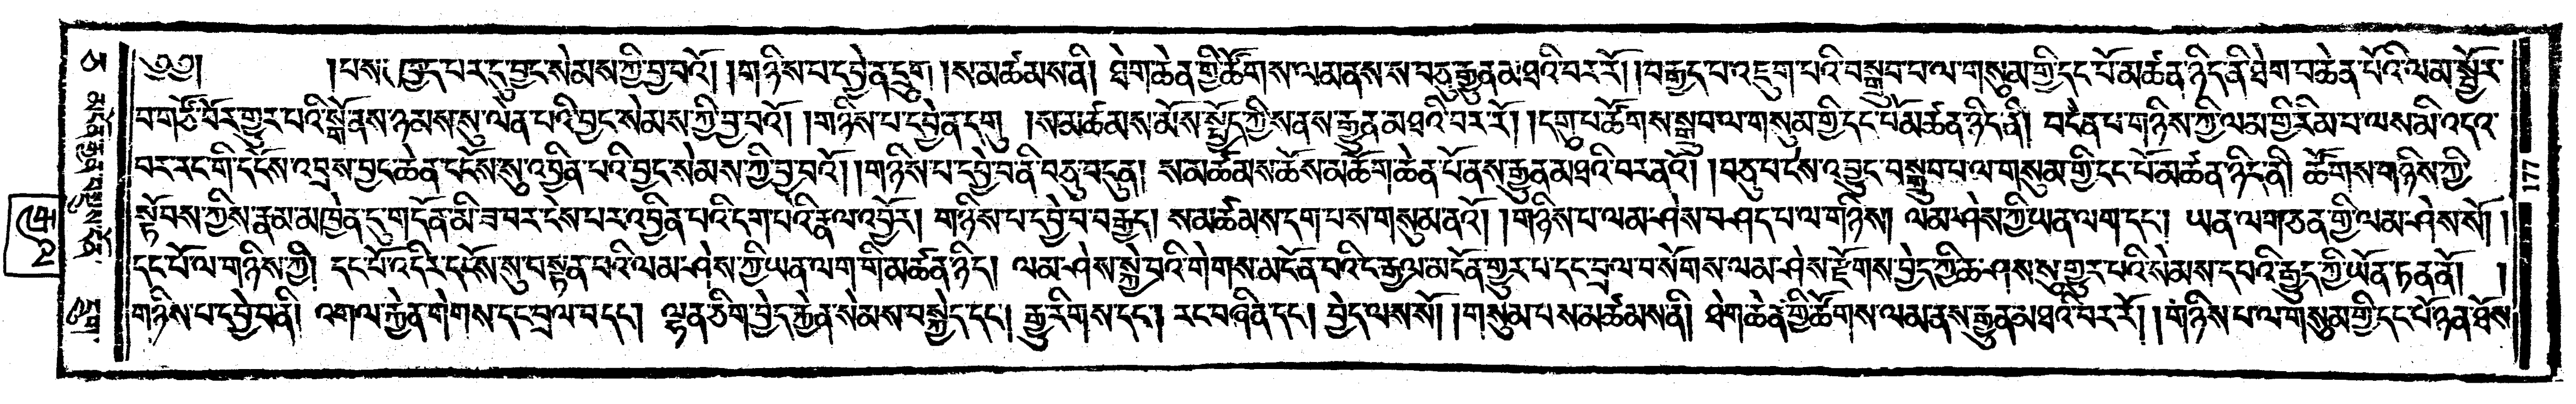༄༅། །པས། ཁྱད་པར་དུ་བྱང་སེམས་ཀྱི་བྱ་བའོ། །གཉིས་པ་དབྱེ་ན་དྲུག །ས་མཚམས་ནི། ཐེག་ཆེན་གྱི་ཚོགས་ལམ་ནས་ས་བཅུ་རྒྱུན་མཐའི་བར་རོ། །བརྒྱད་པ་འཇུག་པའི་བསྒྲུབ་པ་ལ་གསུམ་གྱི་དང་པོ་མཚན་ཉིད་ནི་ཐེག་པ་ཆེན་པོའི་ལམ་སྦྱོར་
བ་གཙོ་བོར་གྱུར་པའི་སྒོ་ནས་ཉམས་སུ་ལེན་པའི་བྱང་སེམས་ཀྱི་བྱ་བའོ། །གཉིས་པ་དབྱེ་ན་དགུ །ས་མཚམས་མོས་སྤྱོད་ཀྱིས་ནས་རྒྱུན་མཐའི་བར་རོ། །དགུ་པ་ཚོགས་སྒྲུབ་ལ་གསུམ་གྱི་དང་པོ་མཚན་ཉིད་ནི། བདེན་པ་གཉིས་ཀྱི་ལམ་གྱི་རིམ་པ་ལས་མི་འདའ་
བར་རང་གི་དངོས་འབྲས་བྱང་ཆེན་དངོས་སུ་འབྱིན་པའི་བྱང་སེམས་ཀྱི་བྱ་བའོ། །གཉིས་པ་དབྱེ་བ་ནི་བཅུ་བདུན། ས་མཚམས་ཆོས་མཆོག་ཆེན་པོ་ནས་རྒྱུན་མཐའི་བར་ནའོ། །བཅུ་པ་ངེས་འབྱུང་བསྒྲུབ་པ་ལ་གསུམ་གྱི་དང་པོ་མཚན་ཉིད་ནི། ཚོགས་གཉིས་ཀྱི་
སྟོབས་ཀྱིས་རྣམ་མཁྱེན་དུ་གདོན་མི་ཟ་བར་ངེས་པར་འབྱིན་པའི་དག་པའི་རྣལ་འབྱོར། གཉིས་པ་དབྱེ་བ་བརྒྱད། ས་མཚམས་དག་པས་གསུམ་ནའོ། །གཉིས་པ་ལམ་ཤེས་བཤད་པ་ལ་གཉིས། ལམ་ཤེས་ཀྱི་ཡན་ལག་དང་། ཡན་ལག་ཅན་གྱི་ལམ་ཤེས་སོ། །
དང་པོ་ལ་གཉིས་ཀྱི། དང་པོ་འདིར་དངོས་སུ་བསྟན་པའི་ལམ་ཤེས་ཀྱི་ཡན་ལག་གི་མཚན་ཉིད། ལམ་ཤེས་སྐྱེ་བའི་གེགས་མངོན་པའི་ང་རྒྱལ་མངོན་གྱུར་པ་དང་བྲལ་བ་སོགས་ལམ་ཤེས་རྫོགས་བྱེད་ཀྱི་ཆ་ཤས་སུ་གྱུར་པའི་སེམས་དཔའི་རྒྱུད་ཀྱི་ཡོན་ཏན་ནོ། །
གཉིས་པ་དབྱེ་བ་ནི། འགལ་རྐྱེན་གེགས་དང་བྲལ་བ་དང་། ལྷན་ཅིག་བྱེད་རྐྱེན་སེམས་བསྐྱེད་དང་། རྒྱུ་རིགས་དང་། རང་བཞིན་དང་། བྱེད་ལས་སོ། །གསུམ་པས་མཚམས་ནི། ཐེག་ཆེན་གྱི་ཚོགས་ལམ་ནས་རྒྱུན་མཐའི་བར་རོ། །གཉིས་པ་ལ་གསུམ་གྱི་དང་པོ་ཉན་ཐོས་